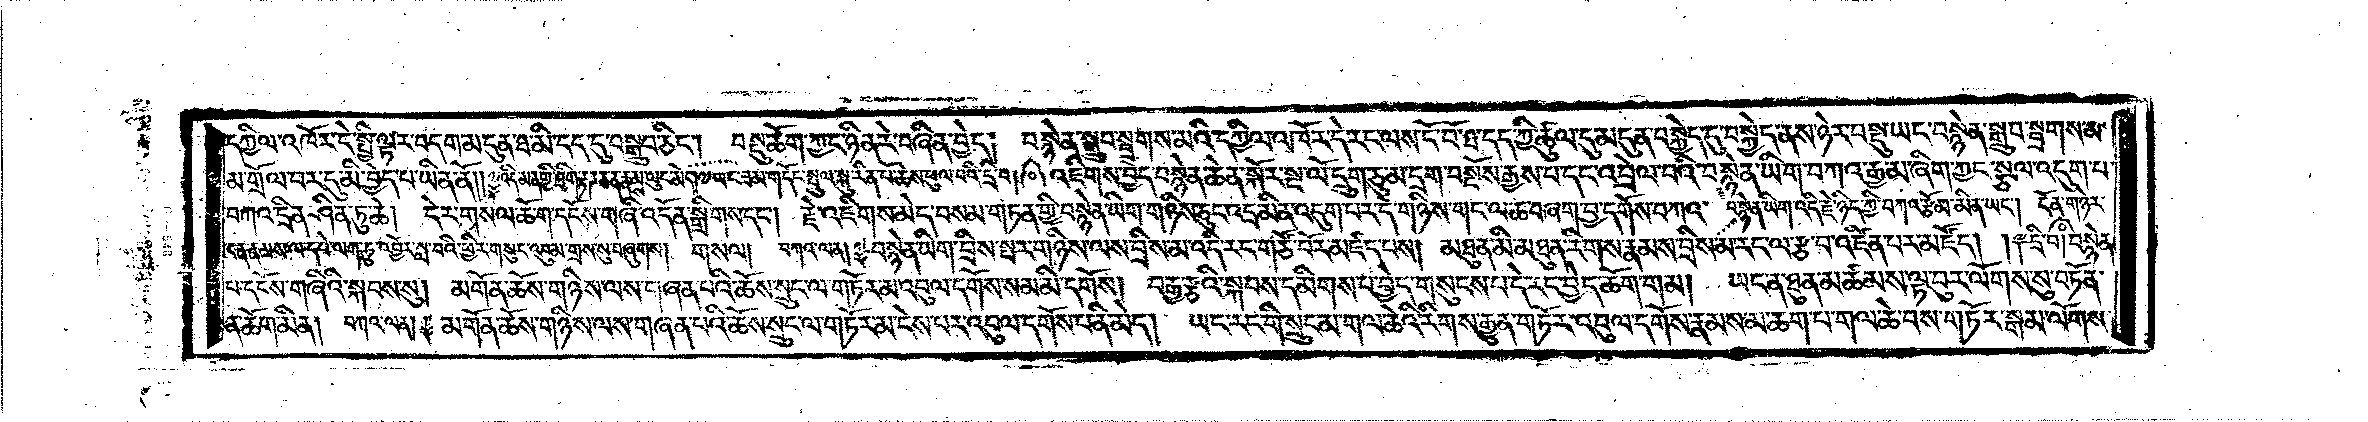དཀྱིལ་འཁོར་དེ་སྤྱི་ལྟར་བདག་མདུན་ཐ་མི་དད་དུ་བསྒྲུབ་ཅིང་། བསྡུ་ཆོག་ཀྱང་ཉིན་རེ་བཞིན་བྱེད། བསྙེན་སྒྲུབ་སྦྲགས་མའི་དཀྱིལ་འཁོར་དེ་རང་ལས་ངོ་བོ་ཐ་དད་ཀྱི་ཚུལ་དུ་མདུན་བསྐྱེད་དུ་བསྐྱེད་ནས་ཉེར་བསྡུ་ཡང་བསྙེན་སྒྲུབ་སྦྲགས་མ་
མ་གྲོལ་བར་དུ་མི་བྱེད་པ་ཡིན་ནོ། ༈ འདི་མན་གྱི་ཐིག་རྟཌ་ཆན་རྣམས་ལུང་མེད་ཡང་ཟམ་གདོང་སྤུལ་སྐུ་རིན་པོ་ཆེས་ཕུལ་བའི་དྲི་བ།  ༼྾༽ འཇིགས་བྱེད་བསྙེན་ཆེན་སྐོར་སྔ་ལོ་དྲུག་ཅུ་མ་དྲག་བསྔོས་རྒྱས་པ་དང་འབྲེལ་བའི་བསྙེན་ཡིག་བཀའ་རྒྱ་མ་ཞིག་ཀྱང་སྩལ་འདུག་པ་
བཀའ་དྲིན་ཤིན་ཏུ་ཆེ། དེར་གསལ་ཆོག་དངོས་གཞི་འདོན་སྒྲིགས་དང་། རྗེ་འཇིགས་མེད་བསམ་གཏན་གྱི་བསྙེན་ཡིག་གཉིས་ཅུང་འདྲ་མིན་འདུག་པར་དེ་གཉིས་གང་ལ་ཆ་བཞག་བྱ་དགོས་བཀའ་དོན་གཉེར་མཐུན་རིགས་རྣམས་བྲིས་མ་རང་ལ་རྩ་བ་འཛིན་པར་མཛོད།  བསྙེན་ཡིག་འདི་རྗེ་ཉིད་ཀྱི་བཀའ་རྩོམ་མིན་ཡང་། དོན་གཉེར་
ངན་རྣམས་ལ་དཔེ་ལག་ཏུ་འབྱོར་སླ་བའི་ཕྱིར་གསུང་འབུམ་གྲས་སུ་བཞུགས། གསལ། བཀའ་ལན། ༈བསྙེན་ཡིག་བྲིས་སྤར་གཉིས་ལས་བྲིས་མ་འདི་རང་གཙོ་བོར་མཛད་པས། །༈དྲི་བ། བསྙེན་
པ་དངོས་གཞིའི་སྐབས་སུ། མགོན་ཆོས་གཉིས་ལས་གཞན་བའི་ཆོས་སྲུང་ལ་གཏོར་མ་འབུལ་དགོས་སམ་མི་དགོས། བརྒྱ་རྩའི་སྐབས་དམིགས་པ་བྱེད་གསུངས་པ་དེ་རང་བྱེད་ཆོག་གམ། ཡང་ན་ཐུན་མཚམས་ལྟ་བུར་ལོགས་སུ་བཏོན་
ཕ༹ན་ཆོག་མིན། བཀའ་ལན།  ༈མགོན་ཆོས་གཉིས་ལས་གཞན་པའི་ཆོས་སྲུང་ལ་གཏོར་མ་ངེས་པར་འབུལ་དགོས་པ་ནི་མེད། ཡང་རང་གི་སྲུང་མ་གལ་ཆེའི་རིགས་རྒྱུན་གཏོར་འབུལ་དགོས་རྣམས་མ་ཆག་པ་གལ་ཆེ་བས་གཏོར་སྒོམ་ལོགས་